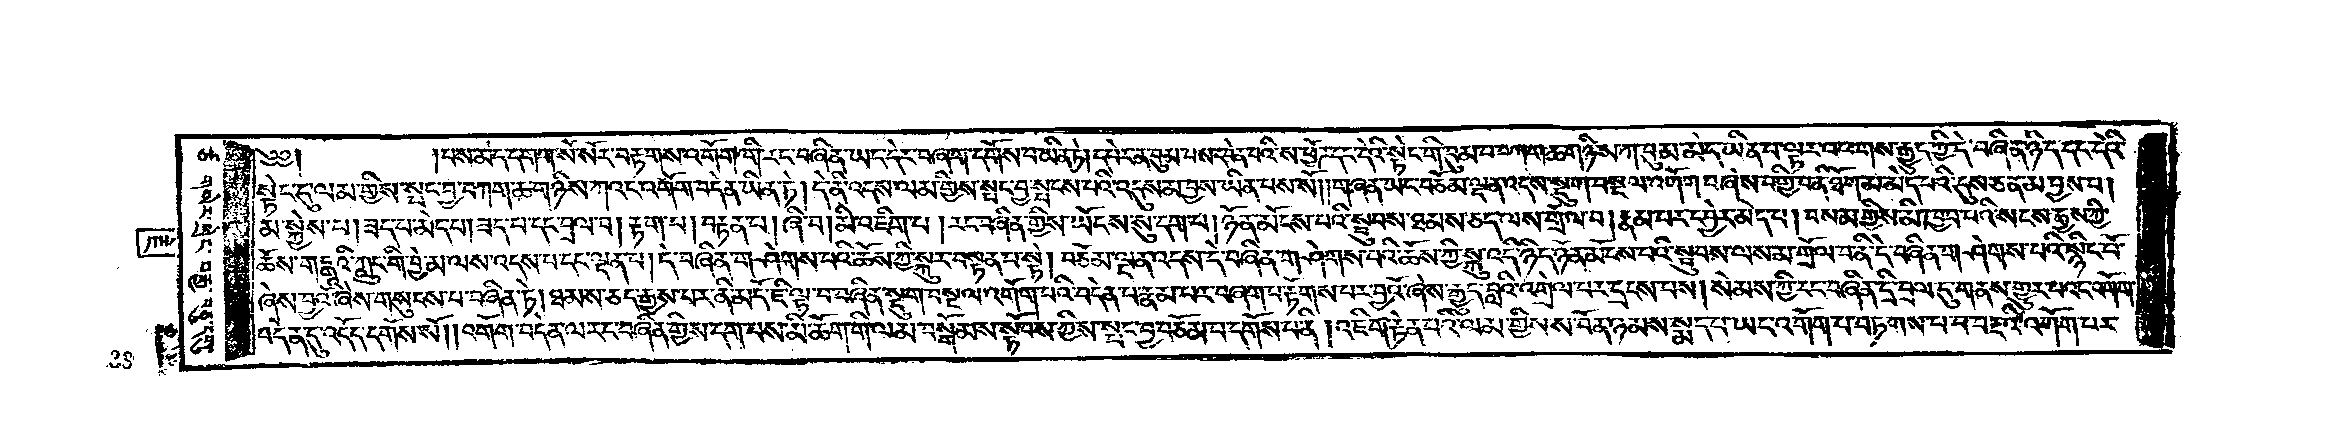༄༅། །པས་མེད་དགག་སོ་སོར་བརྟགས་འགོག་གི་རང་བཞིན་ཡང་དེར་བཞག་དགོས་པ་ཡིན་ཏེ། དཔེར་ན་བུམ་པས་དབེན་པའི་ས་ཕྱོགས་དང་དེའི་སྟེང་གི་བུམ་པ་བཀག་ཆ་གཉིས་ཀ་བུམ་མེད་ཡིན་པ་ལྟར་འཕགས་རྒྱུད་ཀྱི་དེ་བཞིན་ཉིད་དང་དེའི་
སྟེང་དུ་ལམ་གྱིས་སྤང་བྱ་བཀག་ཆ་གཉིས་ཀའང་འགོག་བདེན་ཡིན་ཏེ། དེ་ནི་འདས་ལམ་གྱིས་སྤང་བྱ་སྤངས་པའི་འདུས་མ་བྱས་ཡིན་པས་སོ། །གཞན་ཡང་བཅོམ་ལན་འདས་སྡུག་བསྔལ་འགོག་པ་ཞེས་བགྱི་པ་ནི་ཐོག་མ་མེད་པའི་དུས་ཅན་མ་བྱས་པ།
མ་སྐྱེས་པ། ཟད་པ་མེད་པ། ཟད་པ་དང་བྲལ་བ། རྟག་པ། བརྟེན་པ། ཞི་བ། མི་འཇིག་པ། རང་བཞིན་གྱིས་ཡོངས་སུ་དག་པ། ཉོན་མོངས་པའི་སྦུབས་ཐམས་ཅད་ལས་གྲོལ་བ། རྣམ་པར་དབྱེར་མེད་པ། བསམ་གྱིས་མི་ཁྱབ་པའི་སངས་རྒྱས་ཀྱི་
ཆོས་གངྒཱའི་ཀླུང་གི་བྱེ་མ་ལས་འདས་པ་དང་ལྡན་པ། དེ་བཞིན་གཤེགས་པའི་ཆོས་ཀྱི་སྐུར་བསྟན་པ་སྟེ། བཅོམ་ལྡན་འདས་དེ་བཞིན་གཤེགས་པའི་ཆོས་ཀྱི་སྐུ་འདི་ཉིད་ཉོན་མོངས་པའི་སྤུབས་ལས་མ་གྲོལ་བ་ནི་དེ་བཞིན་གཤེགས་པའི་སྙིང་པོ་
ཞེས་བྱའོ་ཞེས་གསུངས་པ་བཞིན་ཏེ། ཐམས་ཅད་རྒྱས་པར་ནི་མདོ་ཇི་ལྟ་བ་བཞིན་སྡུག་བསྔལ་འགོག་པའི་བདེན་པ་རྣམ་པར་བཞག་པ་རྟོགས་པར་བྱའོ་ཞེས་རྒྱུད་བླའི་འགྲེལ་པར་དྲངས་པས། སེམས་ཀྱི་རང་བཞིན་དྲི་བྲལ་དུ་གནས་གྱུར་པའང་འགོག་
བདེན་དུ་འདོད་དགོས་སོ། །འགོག་བདེན་ལ་རང་བཞིན་གྱིས་དག་པས་མི་ཆོག་གི་ལམ་བསྒོམས་སྟོབས་ཀྱིས་སྤང་བྱ་བཅོམ་པ་དགོས་པ་ནི། འཇིག་རྟེན་པའི་ལམ་གྱིས་ས་བོན་ཉམས་སྨད་པ་ཡང་འགོག་པ་བཏགས་པ་བ་བརྡའི་འགོག་པར་